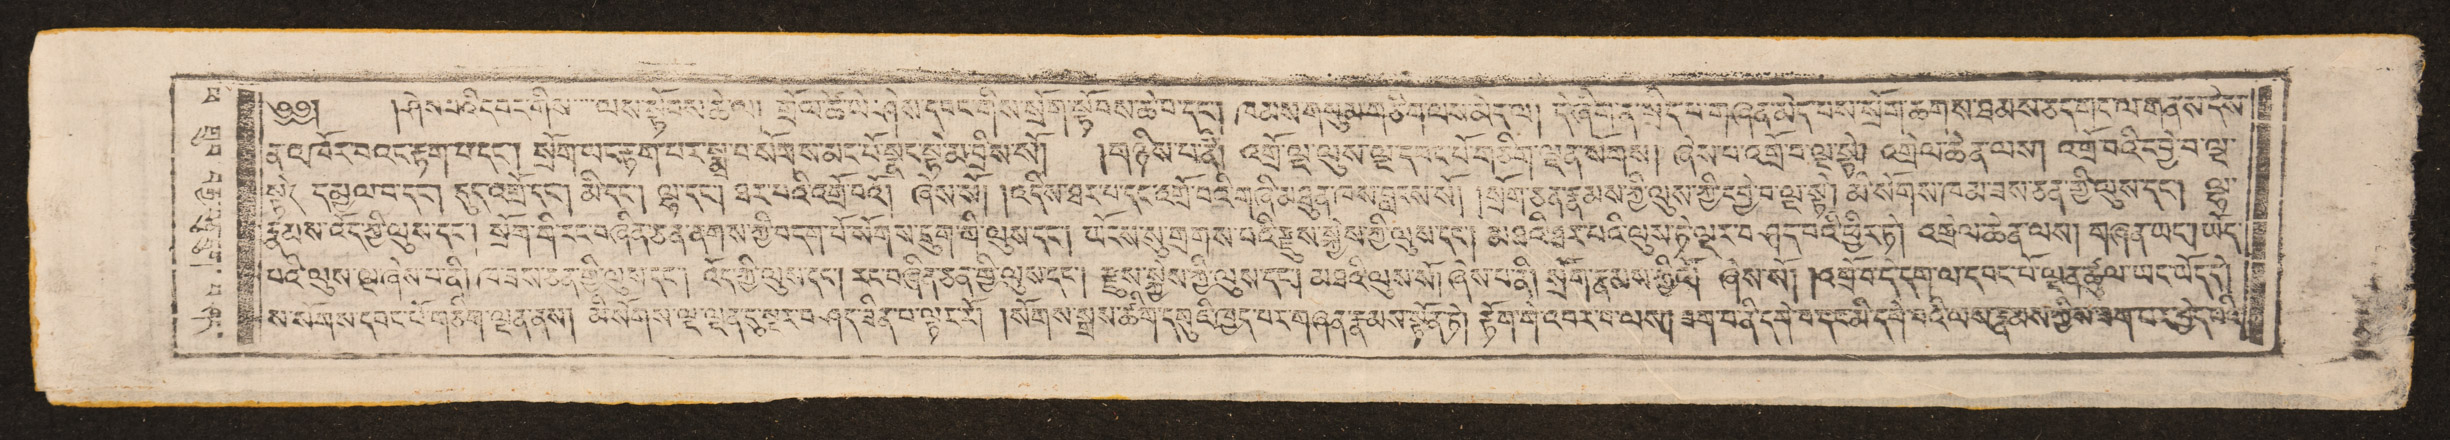༄༅། །ཤེས་པའི་དབང་གིས་ལས་སྟོབས་ཆེ་ལ། གྲོལ་ཚེ་ཡེ་ཤེས་དབང་གིས་སྲོག་སྟོབས་ཆེ་བ་དང་། ཁམས་གསུམ་གཅིག་ལས་མེད་ལ། དེ་ཞིག་ན་སྲིད་པ་གཞན་མེད་པས་སྲོག་ཆགས་ཐམས་ཅད་གང་ལ་གནས་དེས་
ན་འཁོར་བའང་རྟག་པ་དང་། སྲོག་ཡང་རྟག་པར་སྨྲ་བ་སོགས་མང་པོ་སྣང་སྟེ་མ་བྲིས་སོ། །གཉིས་པ་ནི། འགྲོ་ལྔ་ལུས་ལྔ་དབང་པོ་གཅིག་ལྡན་སོགས། ཞེས་པ་འགྲོ་བ་ལྔ་སྟེ། འགྲེལ་ཆེན་ལས། འགྲོ་བའི་དབྱེ་བ་ལྔ་
སྟེ༑ དམྱལ་བ་དང་། དུད་འགྲོ་དང་། མི་དང་། ལྷ་དང་། ཐར་པའི་འགྲོ་བའོ། ཞེས་སོ། །འདིས་ཐར་པ་དང་འགྲོ་བའི་གཞི་མཐུན་ཁས་བླངས་སོ། །སྲོག་ཅན་རྣམས་ཀྱི་ལུས་ཀྱི་དབྱེ་བ་ལྔ་སྟེ། མི་སོགས་ཁམ་ཟས་ཅན་གྱི་ལུས་དང་། ལྷ་
རྣམས་འོད་ཀྱི་ལུས་དང་། སྲོག་གི་རང་བཞིན་ཅན་ནགས་ཀྱི་བདག་པོ་སོགས་དྲུག་གི་ལུས་དང་། ཡོངས་སུ་གྲགས་པའི་རྫུས་སྐྱེས་ཀྱི་ལུས་དང་། མཐའི་ཐར་པའི་ལུས་ཏེ་ལྔར་བཤད་པའི་ཕྱིར་ཏེ། འགྲེལ་ཆེན་ལས། གཞན་ཡང་། ཡོད་
པའི་ལུས་ལྔ་ཞེས་པ་ནི། ཁ་ཟས་ཅན་གྱི་ལུས་དང་། འོད་ཀྱི་ལུས་དང་། རང་བཞིན་ཅན་གྱི་ལུས་དང་། རྫུས་སྐྱེས་ཀྱི་ལུས་དང་། མཐའི་ལུས་སོ། ཞེས་པ་ནི། སྲོག་རྣམས་ཀྱིའོ། ཞེས་སོ། །འགྲོ་བ་དེ་དག་ལ་དབང་པོ་ལྡན་ཚུལ་ཡང་ཡོད་དེ།
ས་སོགས་དབང་པོ་གཅིག་ལྡན་ནས། མི་སོགས་ལྔ་ལྡན་དུ་སྔར་བཤད་ཟིན་པ་ལྟར་རོ། །སོགས་སྒྲས་ཚིག་དགུའི་ཁྱད་པར་གཞན་རྣམས་སྟོན་ཏེ། རྟོག་གེ་འབར་བ་ལས། ཟག་པ་ནི་དགེ་བ་དང་མི་དགེ་བའི་ལས་རྣམས་ཀྱིས་ཟག་པར་བྱེད་བའི་